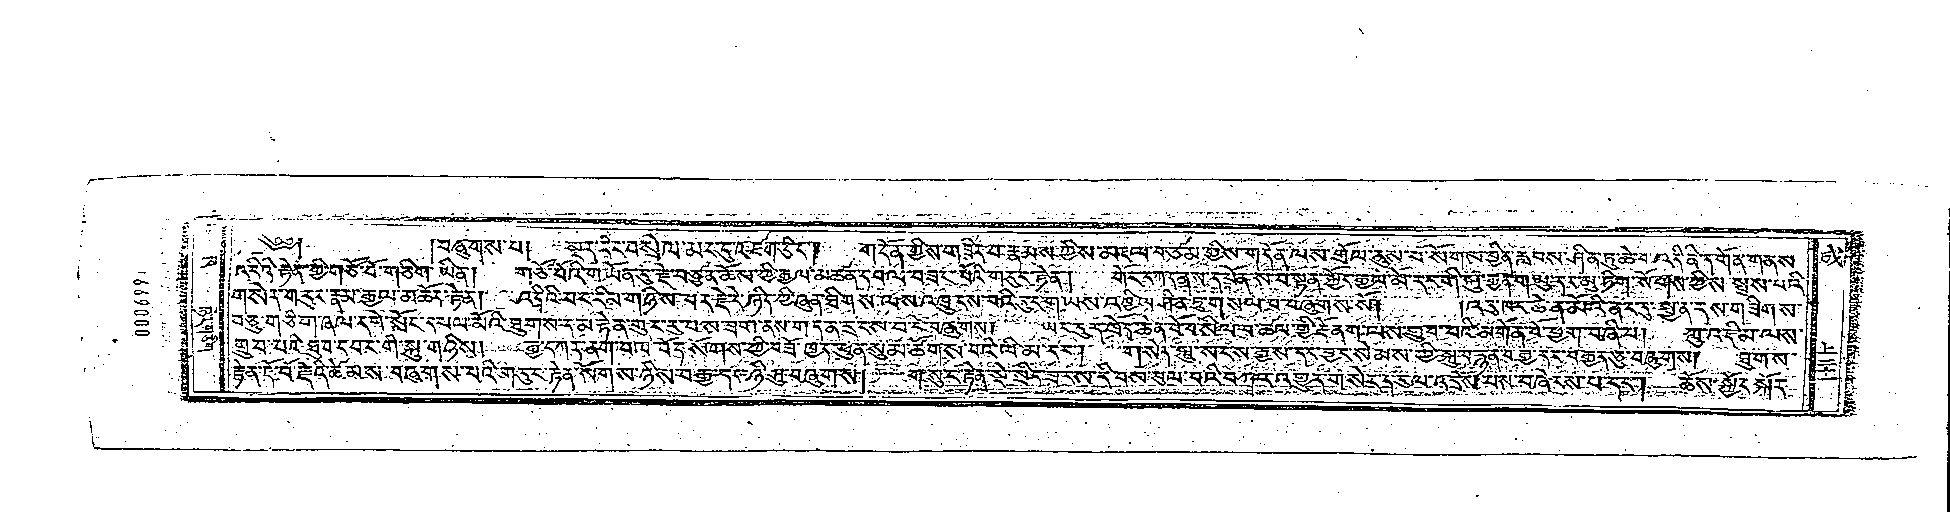༄༅། །བཞུགས་པ། སྔར་རིང་བསྲེལ་མང་དུ་འཛག་ཅིང་། གདོན་གྱིས་གཟིར་བ་རྣམས་ཀྱིས་མཇལ་བ་ཙམ་གྱིས་གདོན་ལས་གྲོལ་ནུས་པ་སོགས་བྱིན་རླབས་ཤིན་ཏུ་ཆེ་བ་འདི་ནི་དགོན་གནས་
འདིའི་རྟེན་གྱི་གཙོ་བོ་གཅིག་ཡིན། གཙོ་བོའི་གཡོན་དུ་རྗེ་བཙུན་ཆོས་ཀྱི་རྒྱལ་མཚན་དཔལ་བཟང་པོའི་གདུང་རྟེན། གོང་དཀར་ནས་དཔོན་ས་བསྟན་སྐྱོང་རྒྱལ་མོ་རང་གི་སྐུ་རྒྱན་གཡུ་དང་མུ་ཏིག་སོགས་ཀྱིས་སྤྲས་པའི་
གསེར་གདུང་རྣམ་རྒྱལ་མཆོད་རྟེན། འདིའི་བང་རིམ་གཉིས་པར་རྗེ་དེ་ཉིད་ཀྱི་ཞུན་ཐིགས་ལས་འཁྲུངས་བའི་དུང་གཡས་འཁྱིལ་ཤིན་ཏུ་གསལ་བ་བཞུགས་སོ། །འདུ་ཁང་ཆེན་མོའི་ནང་དུ་སྤྱན་རས་གཟིགས་
བཅུ་གཅིག་ཞལ་དགེ་སློང་དཔལ་མོའི་ཐུགས་དམ་རྟེན་གུང་རུ་པས་ཟག་ནས་གདན་དྲངས་པ་དེ་བཞུགས། ཡང་དུར་ཁྲོད་ཆེན་པོ་བསིལ་བ་ཚལ་གྱི་རྡོ་ནག་ལས་གྲུབ་པའི་མགོན་པོ་ཕྱག་བཞི་པ། ཀླུ་འཇིམ་ལས་
གྲུབ་པའི་ཐུབ་དབང་གི་སྐུ་གཉིས། རྒྱ་དཀར་ནག་བལ་བོད་སོགས་ཀྱི་བཟོ་ཁྱད་ཕུན་སུམ་ཚོགས་པའི་ལི་མ་དང་། གསེར་སྐུ་སངས་རྒྱས་དང་བྱང་སེམས་ཀྱི་སྐུ་བརྙན་བརྒྱ་དང་བརྒྱད་ཅུ་བཞུགས། ཐུགས་
རྟེན་ཇོ་བོ་རྗེའི་ཚེམས་བཞུགས་པའི་གདུང་རྟེན་སོགས་ཉིས་བརྒྱ་དང་ཉི་ཤུ་བཞུགས། གསུང་རྟེན་སྡེ་སྲིད་ཟངས་རི་བས་ཕུལ་བའི་བཀའ་འགྱུར་གསེར་དངུལ་འདྲེས་པས་བཞེངས་པ་དང་། ཆོས་སྐྱོང་སྐོར་